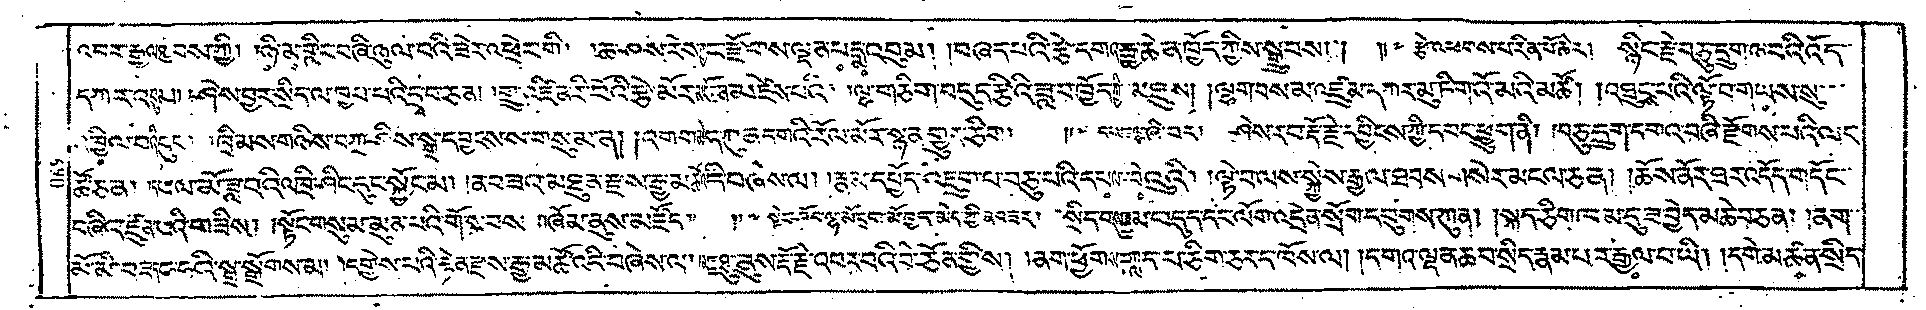འབར་རྒྱལ྾་ཐབས་ཀྱི། །ཉི྾་མ྾་གླིང་བཞི་ཉུལ་བའི་ཟེར་འཕྲེང་གི །ཆ་ཤས་རེས་ཀྱང་རྫོགས་ལྡན་པདམ྾་འབུམ། །བཞད་པའི་རྩེ་དགའ་རྒྱ་ཆེན་ཁྱོད་ཀྱིས་སྒྲུབས།། །།༧་རྩེ་འཕགས་པ་རིན་པོ་ཆེར།  སྙིང་རྗེ་བཅུ་དྲུག་ཉ་བའི་འོད་
དཀར་འབུམ། །ཤེས་བྱར་སྲིད་ལ་ཁྱབ་པའི་དྲྭ་བ་ཅན། །གྲུ་འཛིན་རི་བོའི་རྩེ་མོར་མངོན་མཛེས་པའི། །ལྷ་གཅིག་བདུད་རྩིའི་ཟླ་བ་ཁྱོད་ཀྱི་མཐུས། །ལྷག་བསམ་འཛུམ་དཀར་མུ་ཏིག་འོ་མའི་མཚོ། །འཐུངས་པའི་ལྟོ་བ་གཡས྾་སུ་
འཁྱིལ྾་བའི་དུང྾། །ཁྲིམས་གཉིས་བཀྲ་ཤིས་སྒྲ་དབྱངས་ས་གསུམ་ན། །འགག་མེད་ཀུན་གའི་རོལ་མོར་སྙན་གྱུར་ཅིག ། །།༧་དཔལ་ལྷ་ཞི་བར།  ཤེས་རབ་རྡོ་རྗེ་དབྱིངས་ཀྱི་དབང་ཕྱུག་ནི། །བཅུ་དྲུག་དགའ་བཞི་རྫོགས་པའི་ལང་
ཚོ་ཅན། །དཔལ་མོ་ཟླ་བའི་འཁྲི་ཤིང་དུང་སྐྱོང་མ། །ན་བཟའ་མཐུན་རྫས་རྒྱ་མཚོ་འདི་བཞེས་ལ། །རྣམ་དཔྱོད་འཇུག་པ་བཅུ་པའི་དཔལ྾་བེའུའི྾། །ལྟེ་བ་ལས་སྐྱེས་རྒྱལ་ཐབས་གསེར་མངལ་ཅན། །ཆོས་ནོར་ཐར་འདོད་གདོང་
བཞི་འཛུམ་པའི་གཟིས། །སྟོང་གསུམ་མུན་པའི་གོ་སྐབས་གཞོམ་ནུས་མཛོད།། །།༧་སྟེང་ཤོད་ལྷ་མོ་དྲག་མོ་ཁྱད་མེད་ཀྱི་ན་བཟར།  སྲིད་གསུམ་བདུད་དང་ལོག་འདྲེན་སྲོག་དབུགས་ཀུན། །སྐད་ཅིག་ཁམ་དུ་ཟ་བྱེད་མཆེ་བ་ཅན། །ནག་
མོ་མི་བཟད་ཧ་ཧའི་སྒྲ་སྒྲོགས་མ། །དགྱེས་པའི་རྟེན་རྫས་རྒྱ་མཚོ་འདི་བཞེས་ལ། །མཐུ་ནུས་རྡོ་རྗེ་འབར་བའི་བེ་ཅོན་གྱིས། །ནག་ཕྱོགས་ཀླད་པ་ཅིག་ཅར་ད་ཁོས་ལ། །དགའ་ལྡན་ཆབ་སྲིད་རྣམ་པར་རྒྱལ྾་བ་ཡི། །དགེ་མཚན྾་སྲིད་